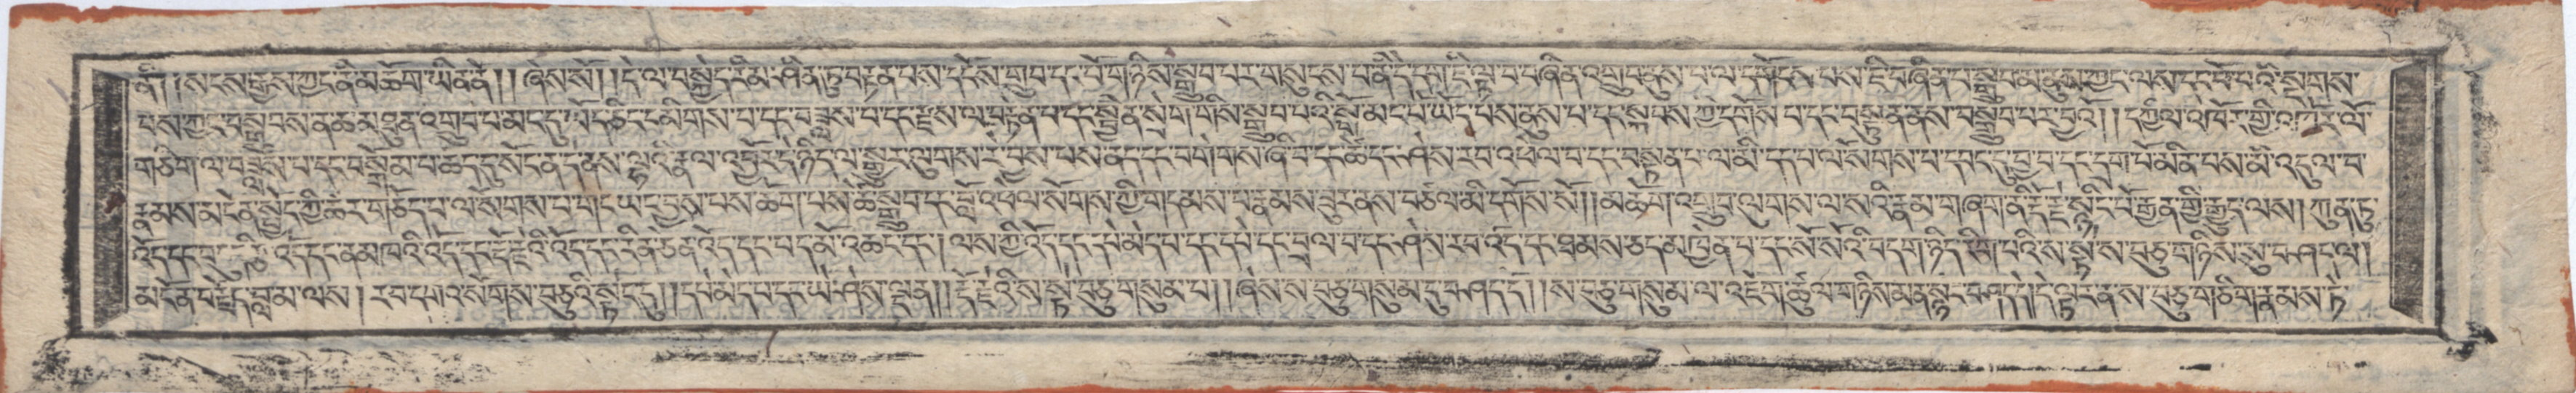ནི། །སངས་རྒྱས་ཀྱང་ནི་མཆོག་ཡིན་ནོ། །ཞེས་སོ། །དེ་ལ་བསྐྱེད་རིམ་ཤིན་ཏུ་བརྟན་པས་དངོས་གྲུབ་དང་པོ་གཉིས་སྒྲུབ་པར་གསུངས་པ་ནི་དེ་དག་ཇི་ལྟ་བ་བཞིན་འགྲུབ་ནུས་པ་ལ་དགོངས་པས་ཇི་བཞིན་པ་སྒྲུབ་མ་ནུས་ཀྱང་ལས་དང་པོ་པའི་སྔགས་
པས་ཀྱང་བསྒྲུབས་ན་ཆ་མཐུན་འགྲུབ་པ་མང་དུ་ཡོད་ཅིང་དམིགས་པ་དང་བཟླས་པ་དང་རྫས་ལ་བརྟེན་པ་དང་སྦྱིན་སྲེག་གིས་སྒྲུབ་པའི་སྒོ་མང་པོ་ཡོད་པས་ནུས་པ་དང་སྐབས་ཀྱི་དགོས་པ་དང་བསྟུན་ནས་བསྒྲུབ་པར་བྱའོ། །དཀྱིལ་འཁོར་གྱི་འཁོར་ལོ་
གཅིག་ལ་བཟླས་པ་དང་བསྒོམ་པ་ཚད་དུ་སོང་ན་དེ་ནས་ལྷའི་རྣལ་འབྱོར་དེ་ཉིད་ལ་སྒྱུར་ལུགས་རེ་བྱས་པས་ནད་དང་བགེགས་ཞི་བ་དང་ཚེ་དང་ཤེས་རབ་འཕེལ་བ་དང་བསྟན་པ་ལ་མི་དད་པ་ལ་སོགས་པ་དབང་དུ་བྱ་བ་དང་དྲག་པོ་མིན་པས་མི་འདུལ་བ་
རྣམས་མངོན་སྤྱོད་ཀྱི་ཚར་གཅོད་པ་ལ་སོགས་པ་གང་ཡང་བྱས་པས་ཆོག་པས་ཚེ་སྒྲུབ་དང་བློ་འཕེལ་སོགས་ཀྱི་གདམས་པ་རྣམས་ཟུར་ནས་བཙལ་མི་དགོས་སོ། །མཆོག་འགྲུབ་ལུགས་ལ་སའི་རྣམ་གཞག་ནི་རྡོ་རྗེ་སྙིང་པོ་རྒྱན་གྱི་རྒྱུད་ལས། ཀུན་ཏུ་
འོད་དང་བདུད་རྩི་འོད་དང་ནམ་མྐའི་འོད་དང་རྡོ་རྗེའི་འོད་དང་རིན་ཅེན་འོད་དང་པད་མོ་འཆང་དང་། ལས་ཀྱི་འོད་དང་དཔེ་མེད་པ་དང་དཔེ་དང་བྲལ་བ་དང་ཤེས་རབ་འོད་དང་ཐམས་ཅད་མཁྱེན་པ་དང་སོ་སོའི་བདག་ཉིད་རིག་པའི་ས་སྟེ་ས་བཅུ་གཉིས་སུ་༑བཤད་ལ།
མངོན་བརྗོད་བླ་མ་ལས། རབ་དགར་སོགས་བཅུའི་སྟེང་དུ། །དཔེ་མེད་པ་དང་ཡེ་ཤེས་ལྡན། །རྡོ་རྗེའི་ས་སྟེ་བཅུ་གསུམ་པ། །ཞེས་ས་བཅུ་གསུམ་དུ་བཤད་དོ། །ས་བཅུ་གསུམ་ལ་འཇོག་ཚུལ་གཉིས་མན་སྙེར་བཤད་དེ། དེ་ལྟར་ན་ས་བཅུ་གཅིག་རྣམས་ཏེ་